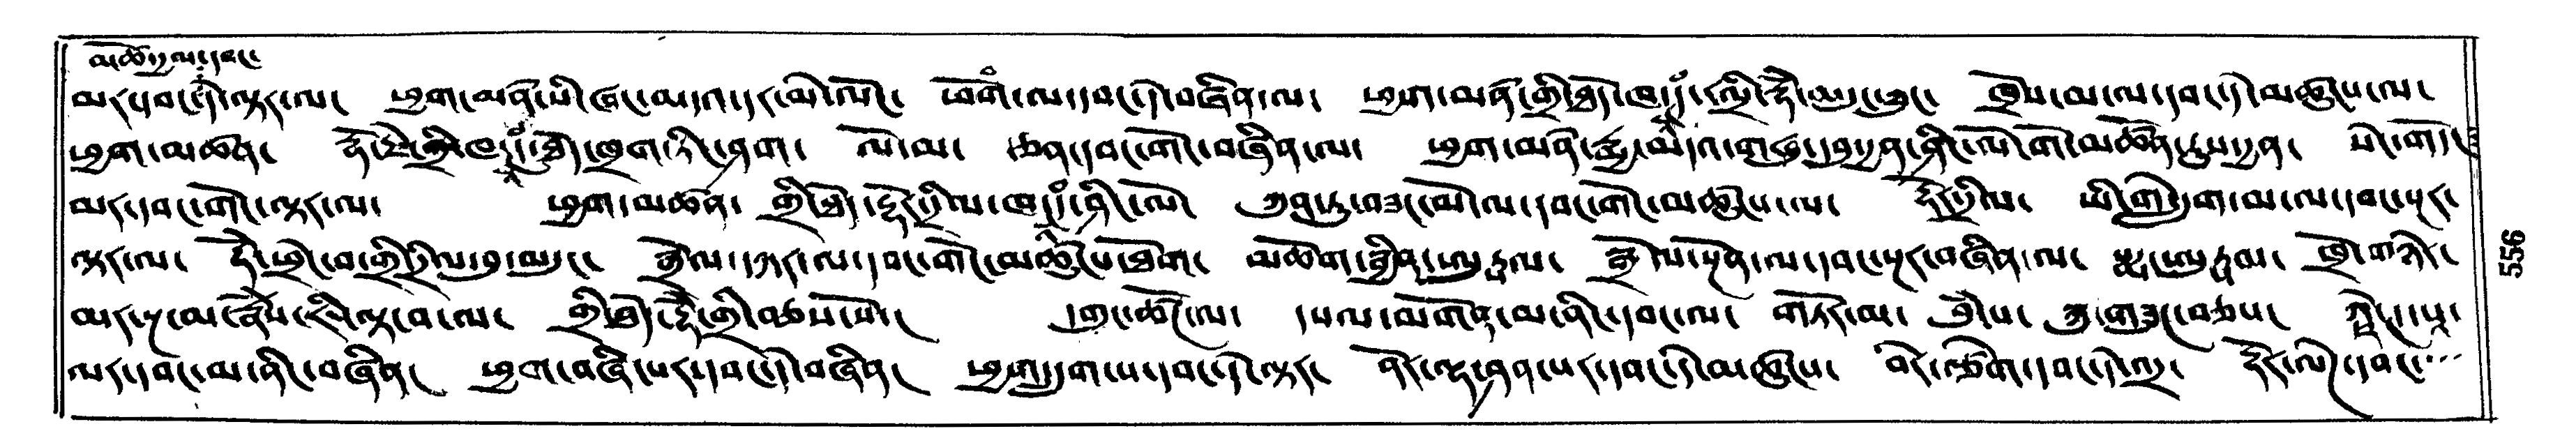མར་དབང་མཚོ་རྒྱལ་དབང་དེ་ལྟར་ལ། ཕྱག་མཚན་པི་ཝང་མདའ་དར་མེ་ལོང་། ཕག་མོ་ལ་དབང་དེ་བཞིན་ལ། ཕྱག་མཚན་གྲི་ཐོད། ཁ་ཊཾ་རལ་གྲི་རྡོ་རྗེ། མདུང་ཐུང་། ཁྲོས་མ་ལ་དབང་དེ་མཚུངས་ལ་
ཕྱག་མཚན། རྡོ་རྗེ། ་ཁ་ཌཊཾ་ཐོད་ཁྲག ཏིང་ཤག ལོ་མ་ཅན་ལ་དབང་གོང་བཞིན་ལ། ཕྱག་མཚན་རྨ་བྱ། མདའ་གཞུ། དབུ་རྒྱན། ཤིང་ལོ། གོ་མཚོན། རུས་རྒྱན། སེང་གདོང་
མར་དབང་གོང་ལྟར་ལ། ཕྱག་མཚན། གྲི་ཐོད། རྡོར་དྲིལ། ཁཊཾ་ཤིང་ལོ། ཀུན་ཏུ་བཟང་མོ་ལ་དབང་གོང་མཚུངས་ལ། རྡོར་དྲིལ། ཡི་གེ་དྲུག་མ་ལ་དབང་སྔར་
ལྟར་ལ། རྡོ་རྗེ། ཕྲེང་བ། གྲི། དྲིལ་བུ། མདུང་།སྒྲོལ་དཀར་ལ་དབང་གོང་མཚུངས་ཐོག མཆོག་སྦྱིན་ཨུཏྤལ། སྒྲོལ་སྔོན་ལ་དབང་སྔར་བཞིན་ལ། པདྨ་ཨུཏྤལ། ཁྲོ་གཉེར་
མར་སྔ་མ་རྣམས་ཇི་ལྟ་བ་ལ། གྲི་ཐོད་རྡོ་རྗེ་གྲི་བཅས་སོ། དགུང་ཚོགས་ལ། དཔལ་མགོན་མ་ནིང་དབང་ལ། གཏོར་མ། བུམ་པ། སྐུ་གཟུགས་བཅས། ཀྵེཊ་པཱ་
ལར་དབང་མ་ནིང་བཞིན། ཕྱག་བཞི་པར་དབང་དེ་བཞིན། ཕྱག་དྲུག་པ་དབང་དེ་ལྟར། ནོར་ལྷ་ཤན་པར་དབང་དེ་མཚུངས། བེར་རྩེག་དབང་དེ་འདྲ། རྡོར་ལེགས་དབང་